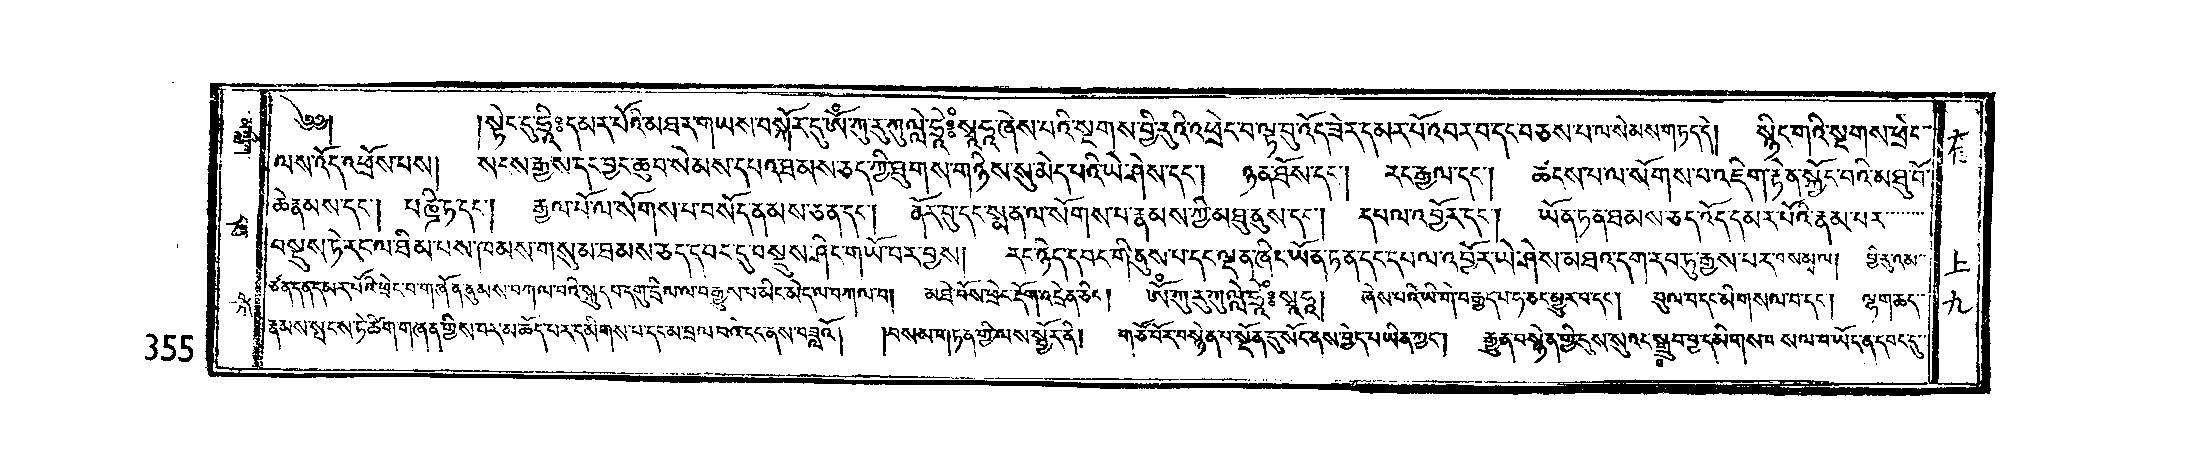༄༅། །སྟེང་དུ་ཧྲཱིཿ དམར་པོའི་མཐར་གཡས་བསྐོར་དུ་ཨོཾ་ཀུ་རུ་ཀུ་ལླེ་ཧྲཱིཿ སྭཱཧཱ་ཞེས་པའི་སྔགས་བྱི་རུའི་འཕྲེང་བ་ལྟ་བུ་འོད་ཟེར་དམར་པོ་འབར་བ་དང་བཅས་པ་ལ་སེམས་གཏད་དེ། སྙིང་གའི་སྔགས་ཕྲེང་
ལས་འོད་འཕྲོས་པས། སངས་རྒྱས་དང་བྱང་ཆུབ་སེམས་དཔའ་ཐམས་ཅད་ཀྱི་ཐུགས་གཉིས་སུ་མེད་པའི་ཡེ་ཤེས་དང་། ཉན་ཐོས་དང་། རང་རྒྱལ་དང་། ཚངས་པ་ལ་སོགས་པ་འཇིག་རྟེན་སྐྱོང་བའི་མཐུ་བོ་
ཆེ་རྣམས་དང་། པཎྜི་ཏ་དང་། རྒྱལ་པོ་ལ་སོགས་པ་བསོད་ནམས་ཅན་དང་། ནོར་བུ་དང་སྨན་ལ་སོགས་པ་རྣམས་ཀྱི་མཐུ་ནུས་དང་། དཔལ་འབྱོར་དང་། ཡོན་ཏན་ཐམས་ཅད་འོད་དམར་པོའི་རྣམ་པར་
བསྡུས་ཏེ་རང་ལ་ཐིམ་པས་ཁམས་གསུམ་ཐམས་ཅད་དབང་དུ་བསྡུས་ཤིང་གཡོ་བར་བྱས། རང་ཉིད་དབང་གི་ནུས་པ་དང་ལྡན་ཞིང་ཡོན་ཏན་དང་དཔལ་འབྱོར་ཡེ་ཤེས་མཐའ་དག་རབ་ཏུ་རྒྱས་པར་བསམས་ལ། བྱི་རུ་འམ་
ཙན་དན་དམར་པོའི་ཕྲེང་བ་གཞོན་ནུ་མས་བཀལ་བའི་སྐུད་པ་དགུ་དྲིལ་ལ་བརྒྱུས་པ་མིང་མེད་ལ་བཀལ་བ། མཐེ་བོས་ཕྲེང་རྡོག་འདྲེན་ཅིང་། ཨོཾ་ཀུ་རུ་ཀུ་ལླེ་ཧརEMH སྭཱཧཱ། ཞེས་པའི་ཡི་གེ་བརྒྱད་པ་ཧ་ཅང་མྱུར་བ་དང་། བུལ་བ་དང་མི་གསལ་བ་དང་། ལྷག་ཆད་
རྣམས་སྤངས་ཏེ་ཚིག་གཞན་གྱིས་བར་མཆོད་པར་དམིགས་པ་དང་མ་བྲལ་བའི་ངང་ནས་བཟླའོ། །བསམ་གཏན་གྱི་ལས་སྦྱོར་ནི། གཙོ་བོར་བསྙེན་པ་སྔོན་དུ་སོང་ནས་བྱེད་པ་ཡིན་ཀྱང་། རྒྱུན་བསྙེན་གྱི་དུས་སུའང་སྒྲུབ་བྱ་དམིགས་བསལ་བ་ཡོད་ན་དབང་དུ་